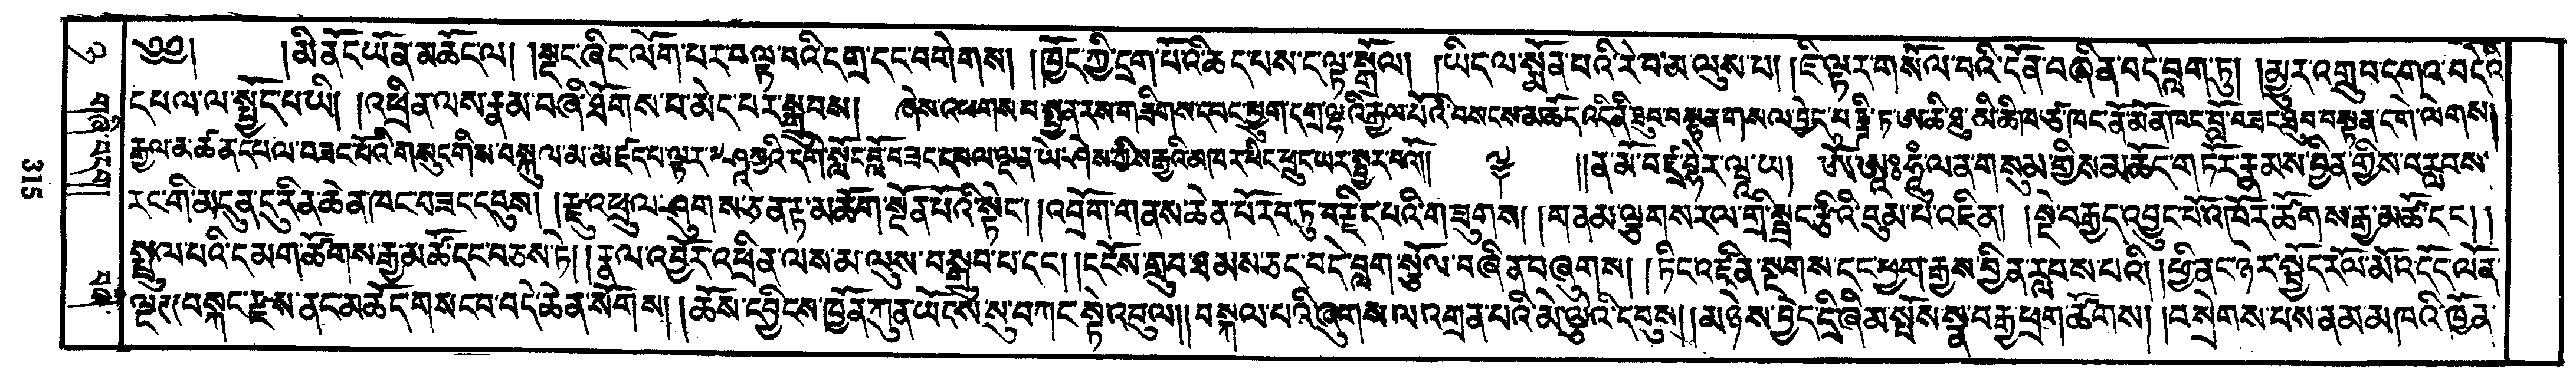༄༅། །མི་ནོར་ཡོན་མཆོད་ལ། །སྡང་ཞིང་ལོག་པར་བལྟ་བའི་དགྲ་དང་བགེགས། །ཁྱོད་ཀྱི་དྲག་པོའི་ཆད་པས་ད་ལྟ་སྒྲོལ། །ཡིད་ལ་སྨོན་པའི་རེ་བ་མ་ལུས་པ། །ཇི་ལྟར་གསོལ་བའི་དོན་བཞིན་བདེ་བླག་ཏུ། །མྱུར་འགྲུབ་དགའ་བདེའི་
དཔལ་ལ་སྤྱོད་པ་ཡི། །འཕྲིན་ལས་རྣམ་བཞི་ཐོགས་པ་མེད་པར་སྒྲུབས། ཞེས་འཕགས་པ་སྤྱན་རས་གཟིགས་དབང་ཕྱུག་དགྲ་ལྷའི་རྒྱལ་པོའི་བསངས་མཆོད་འདི་ནི་ཐུབ་བསྟན་གསལ་བྱེད་པཎྜི་ཏ་ཨ་ཆི་ཐུ་ཨེ་ཆི་ཁ་ཚ་ཁང་ནོ་མོན་ཁང་བློ་བཟང་ཐུབ་བསྟན་དགེ་ལེགས་
རྒྱལ་མཚན་དཔལ་བཟང་པོའི་གསུང་གིས་བསྐུལ་མ་མཛད་པ་ལྟར ༧ཤྰྐྱའི་དགེ་སློང་བློ་བཟང་དཔལ་ལྡན་ཡེ་ཤེས་ཀྱི་རྒྱའི་མཁར་ཕིང་ཕྲུང་ཡེར་སྦྱར་བའོ།། ༈ །།ན་མོ་བྫྲ་བྷཻ་ར་ཝཱ་ཡ། ཨོཾ་ཨཱཿ ཧཱུཾ་ལན་གསུམ་གྱིས་མཆོད་གཏོར་རྣམས་བྱིན་གྱིས་བརླབས།
རང་གི་མདུན་དུ་རིན་ཆེན་ཁང་བཟང་དབུས། །རྫུ་འཕྲུལ་ཤུགས་ཅན་རྟ་མཆོག་སྔོན་པོའི་སྟེང་། །འབྲོག་གནས་ཆེན་པོ་རབ་ཏུ་བ་རྗིད་པའི་གཟུགས། །གནམ་ལྕགས་རལ་གྲི་སྦྲང་རྩིའི་བུམ་པ་འཛིན། །སྡེ་བརྒྱད་འབྱུང་བོ་འཁོར་ཚོགས་རྒྱ་མཚོ་དང་། །
སྤྲུལ་བའི་དམག་ཚོགས་རྒྱ་མཚོ་དང་བཅས་ཏེ། །རྣལ་འབྱོར་འཕྲིན་ལས་མ་ལུས་བསྒྲུབ་པ་དང་། །དངོས་གྲུབ་ཐམས་ཅད་བདེ་བླག་སྩོལ་བཞིན་བཞུགས། །ཏིང་འཛིན་སྔགས་དང་ཕྱག་རྒྱས་བྱིན་རླབས་པའི། །ཕྱི་ནང་ཉེར་སྤྱོད་རོལ་མོ་འདོད་ཡོན་
ལྔ༑ ༑བསྐང་རྫས་ནང་མཆོད་གསང་བ་བདེ་ཆེན་སོགས། །ཆོས་དབྱིངས་ཁྱོན་ཀུན་ཡོངས་སུ་བཀང་སྟེ་འབུལ། །བསྐལ་པའི་ཞུགས་ལ་འགྲན་བའི་མེ་ལྕེའི་དབུས། །མཉེས་བྱེད་དྲི་ཞིམ་སྤོས་སྣ་བརྒྱ་ཕྲག་ཚོགས། །བསྲེགས་པས་ནམ་མཁའི་ཁྱོན་